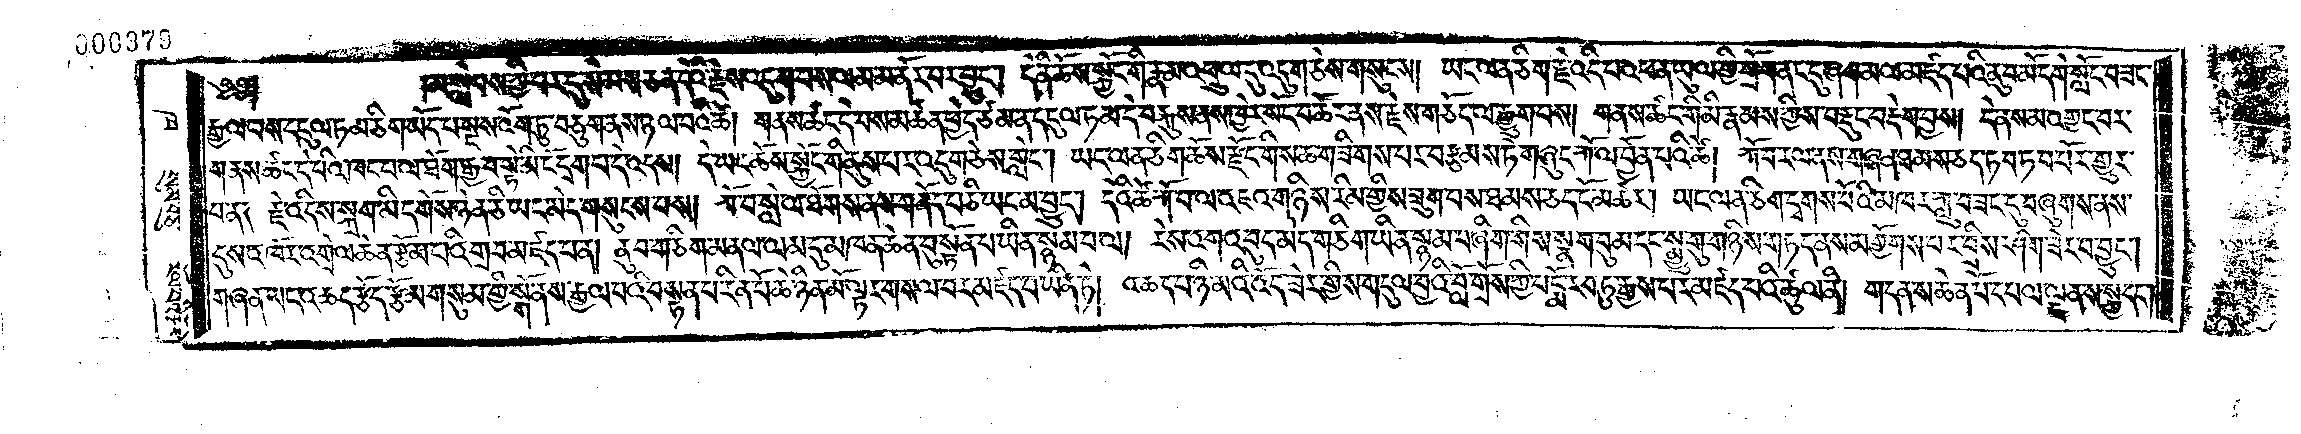༄༅། །མ་སླེབས་ཀྱི་བར་དུ་སེམས་ཅན་དེའི་རྗེས་འདུག་པས་ལམ་མ་ནོར་པར་བྱུང་། དེ་ནི་ཆོས་སྐྱོང་གི་རྣམ་འཕྲུལ་དུ་འདུག་ཅེས་གསུངས། ཡང་ལན་ཅིག་རྗེ་འདི་པ་འཕན་ཡུལ་གྱི་གྲོག་ནང་དུ་ཞག་མལ་མཛད་པའི་ནུབ་མོ་དགེ་སློང་བཟང་
རྒྱལ་བས་དངུལ་ཏམ་ཅིག་ཡོད་པ་སྔས་འོག་ཏུ་བཅུག་ནས་ཉལ་བའི་ཚེ། གནས་ཚང་དེ་བས་མཚན་ཕྱེད་ཙམ་ན་དངུལ་ཏམ་དེ་བརྐུས་ནས་ཁྱེར་སོང་པ་ཚོར་ནས་རྗེས་གཅོད་ལ་རྒྱུག་པས། གནས་ཚང་གི་མི་རྣམས་ཀྱིས་བརྡུང་བརྡེག་བྱས། དེ་ནས་མ་འགྱང་བར་
གནས་ཚང་དེ་པའི་ཁང་པ་ལ་ཐོག་རྒྱབ་སྟེ་མི་ངོ་དྲག་པ་དེ་འདས། དེ་ཡང་ཆོས་སྐྱོང་གི་ནུས་པར་འདུག་ཅེས་གླེང་། ཡང་ལན་ཅིག་ཆོས་རྫོང་གིས་ཆ་གཟིགས་པར་བརྩམས་ཏེ་གཞུང་ཀོ་ལ་བྱོན་པའི་ཚེ། ཀོ་བ་རལ་ནས་གཞན་ཐམས་ཅད་ཏ་བཏབ་པོར་གྱུར་
པ་ན༑ རྗེ་འདིས་སྐྲག་མི་དགོས་ཉེན་ཅི་ཡང་མེད་གསུངས་པས། ཀོ་བ་སླེ་ལ་ཐོགས་ནས་གནོད་པ་ཅི་ཡང་མ་བྱུང་། དེའི་ཚེ་ཀོ་བ་ལ་འཇའ་གཉིས་རིམ་གྱིས་ཟུག་པས་ཐམས་ཅད་ངོ་མཚར། ཡང་ལན་ཅིག་དྭགས་པོའི་མཁར་ཀླུ་བཟང་དུ་བཞུགས་ནས་
དུས་འཁོར་འགྲེལ་ཆེན་རྩོམ་པའི་གྲ་བ་མཛད་པ་ན། ནུབ་གཅིག་མནལ་ལམ་དུ་མཁན་ཆེན་བུ་སྟོན་པ་ཡིན་སྙམ་པ་ལ། རེས་འགའ་བུད་མེད་གཅིག་ཡིན་སྙམ་པ་ཞིག་གིས་སྣག་བུམ་དང་སྨྱུ་གུ་གཉིས་གཏད་ནས་མགྱོགས་པར་བྲིས་ཤིག་ཟེར་བ་བྱུང་།
གཞན་ཡང་འཆད་རྩོད་རྩོམ་གསུམ་གྱི་སྒོ་ནས་རྒྱལ་པའི་བསྟན་པ་རིན་པོ་ཆེ་ཉིན་མོ་ལྟར་གསལ་བར་མཛད་པ་ཡིན་ཏེ། འཆད་པ་ཉི་མའི་འོད་ཟེར་གྱིས་གདུལ་བྱའི་བློ་གྲོས་ཀྱི་པདམོ་རབ་ཏུ་རྒྱས་པར་མཛད་པའི་ཚུལ་ནི། གདན་ས་ཆེན་པོ་དཔལ་ལྡན་ས་སྐྱ་དང་།